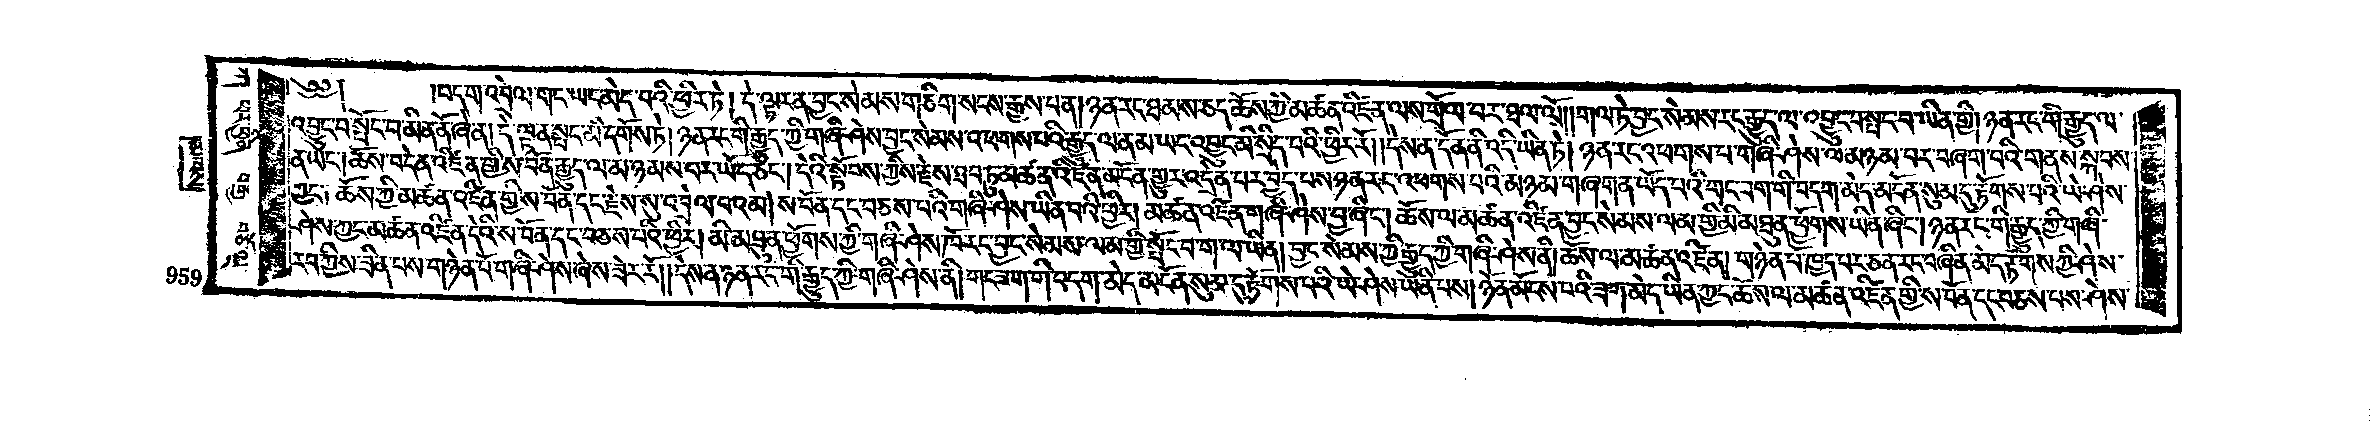༄༅། །བདག་འབྲེལ་གང་ཡང་མེད་པའི་ཕྱིར་ཏེ། དེ་ལྟར་ན་བྱང་སེམས་གཅིག་སངས་རྒྱས་པ་ན། ཉན་རང་ཐམས་ཅད་ཆོས་ཀྱི་མཚན་འཛིན་ལས་གྲོལ་བར་ཐལ་ལོ། །གལ་ཏེ་བྱང་སེམས་རང་རྒྱུད་ལ་འབྱུང་བ་སྤང་བ་ཡིན་གྱི། ཉན་རང་གི་རྒྱུད་ལ་
འབྱུང་བ་སྤོང་བ་མིན་ནོ་ཞེ་ན། དེ་ལྟ་ན་སྤང་མི་དགོས་ཏེ། ཉན་རང་གི་རྒྱུད་ཀྱི་གཞི་ཤེས་བྱང་སེམས་འཕགས་པའི་རྒྱུད་ལ་ནམ་ཡང་འབྱུང་མི་སྲིད་པའི་ཕྱིར་རོ། །དེས་ན་དོན་ནི་འདི་ཡིན་ཏེ། ཉན་རང་འཕགས་པ་གཞི་ཤེས་ལ་མཉམ་པར་བཞག་པའི་གནས་སྐབས་
ན་ཡང་། ཆོས་བདེན་འཛིན་གྱི་ས་བོན་རྒྱུད་ལ་མ་ཉམས་པར་ཡོད་ཅིང་། དེའི་སྟོབས་ཀྱིས་རྗེས་ཐོབ་ཏུ་མཚན་འཛིན་མངོན་གྱུར་འདྲེན་པར་བྱེད་པས་ཉན་རང་འཕགས་པའི་མཉམ་གཞག་ན་ཡོད་པའི་གང་ཟག་གི་བདག་མེད་མངོན་སུམ་དུ་རྟོགས་པའི་ཡེ་ཤེས་
ཀྱང༑ ཆོས་ཀྱི་མཚན་འཛིན་གྱི་ས་བོན་དང་རྗེས་སུ་འབྲེལ་བའམ། ས་བོན་དང་བཅས་པའི་གཞི་ཤེས་ཡིན་པའི་ཕྱིར། མཚན་འཛིན་གཞི་ཤེས་བྱ་ཞིང་། ཆོས་ལ་མཚན་འཛིན་བྱང་སེམས་ལམ་གྱི་མི་མཐུན་ཕྱོགས་ཡིན་ཞིང་། ཉན་རང་གི་རྒྱུད་ཀྱི་གཞི་
ཤེས་ཀྱང་མཚན་འཛིན་དེའི་ས་བོན་དང་བཅས་པའི་ཕྱིར། མི་མཐུན་ཕྱོགས་ཀྱི་གཞི་ཤེས་ཁོ་རང་བྱང་སེམས་ལམ་གྱི་སྤོང་བ་ག་ལ་ཡིན། བྱང་སེམས་ཀྱི་རྒྱུད་ཀྱི་གཞི་ཤེས་ནི། ཆོས་ལ་མཚན་འཛིན། གཉེན་པོ་ཁྱད་པར་ཅན་རང་བཞིན་མེད་རྟོགས་ཀྱི་ཤེས་
རབ་ཀྱིས་ཟིན་པས་གཉེན་པོ་གཞི་ཤེས་ཞེས་ཟེར་རོ། །དེས་ན་ཉན་རང་གི་རྒྱུད་ཀྱི་གཞི་ཤེས་ནི། གང་ཟག་གི་བདག་མེད་མངོན་སུམ་དུ་རྟོགས་པའི་ཡེ་ཤེས་ཡིན་པས། ཉོན་མོངས་པའི་ཟག་མེད་ཡིན་ཀྱང་ཆོས་ལ་མཚན་འཛིན་གྱི་ས་བོན་བཅས་པས་ཤེས་